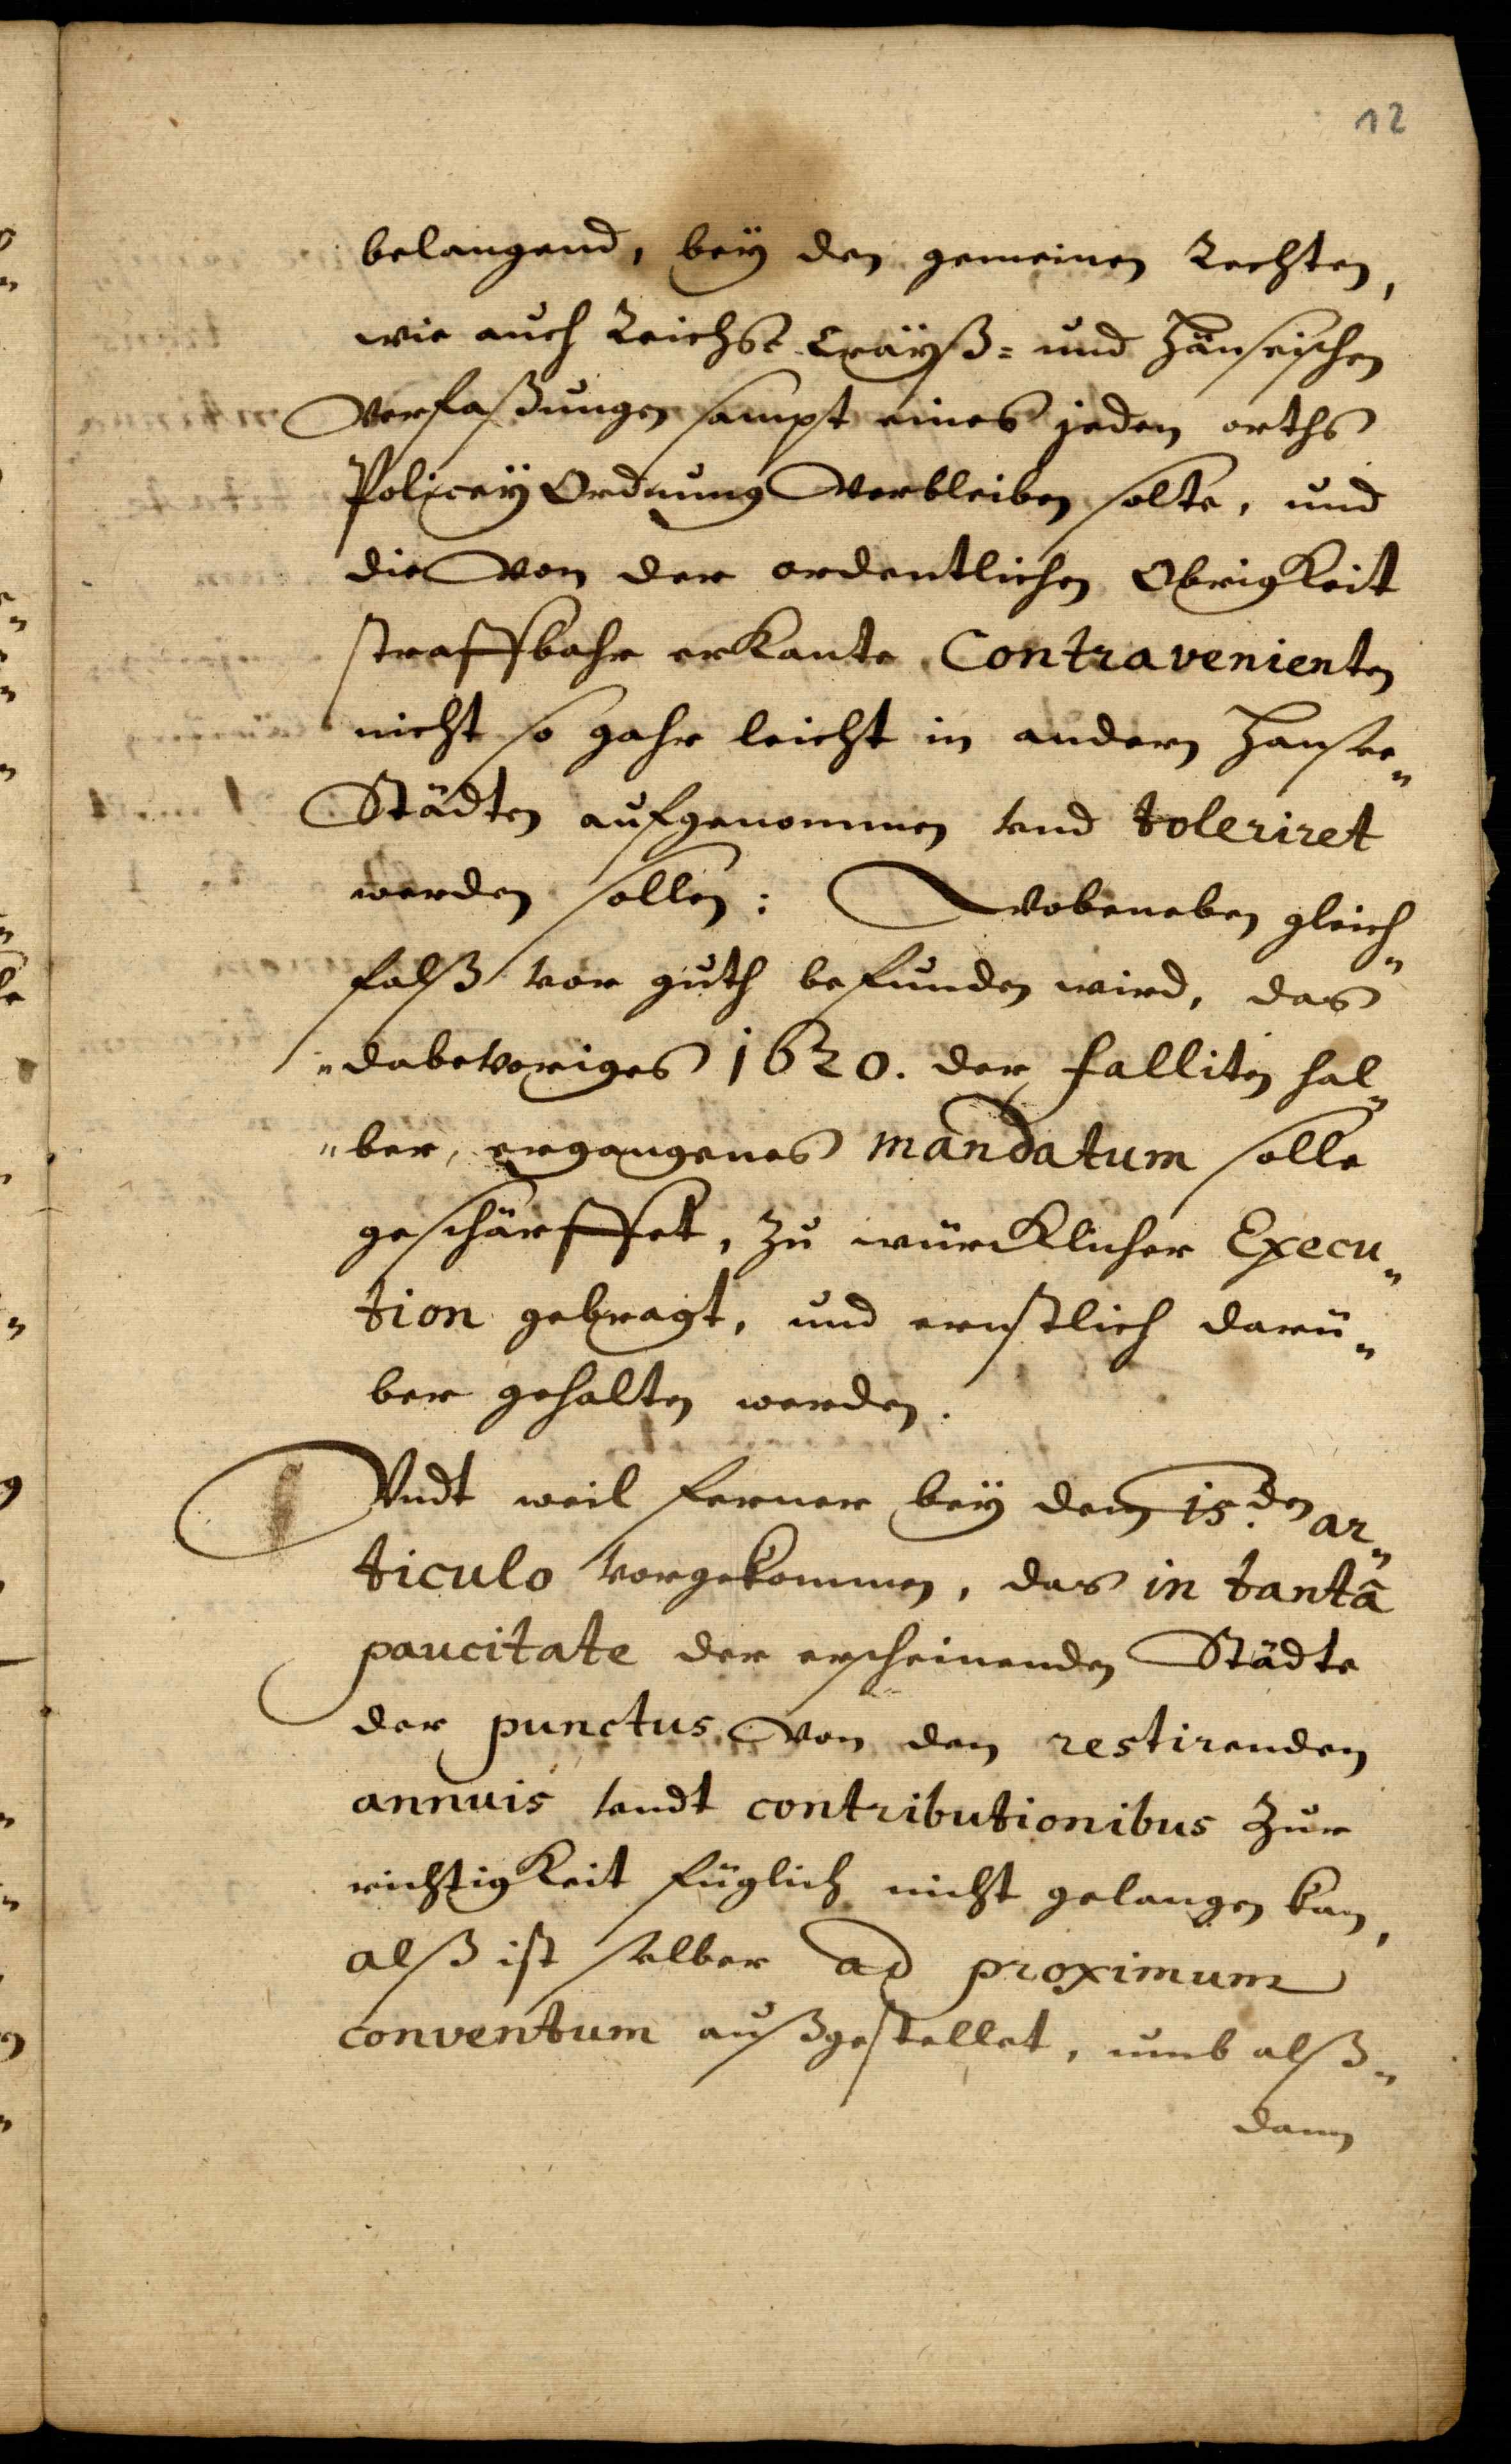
belangend, beij den gemeinen rechten,
wie auch Reichst Craijß= und Hänseischen
Verfaßungen sampt eines jeden orths
Policeij Ordnung Vorbleiben solte, und
die von der ordentlichen Obrigkeit
straffbahr erkante Contravenienten
nicht so gahr leicht in andern Hansee¬
Städten aufgenommen vnd toleriret
werden sollen: Wobeneben gleich¬
falß vor guth befunden wird, das
dabevoriges 1620. der Falliten hal¬
ber, ergangenes mandatum solle
geschärffet, zu würcklicher Execu¬
tion gebragt, und ernstlich darü¬
ber gehalten werden.
Vndt weil ferner beij dem 15.den ar¬
culo vorgekommen, das in tanta
paucitate der erscheinenden Städte
der punctus von den restirenden
annuis vndt contributionibus zur
wichtigkeit füglich nicht gelangen kan,
alß ist selber ad proximum
conventum außgestellet, umb alß¬
dann
